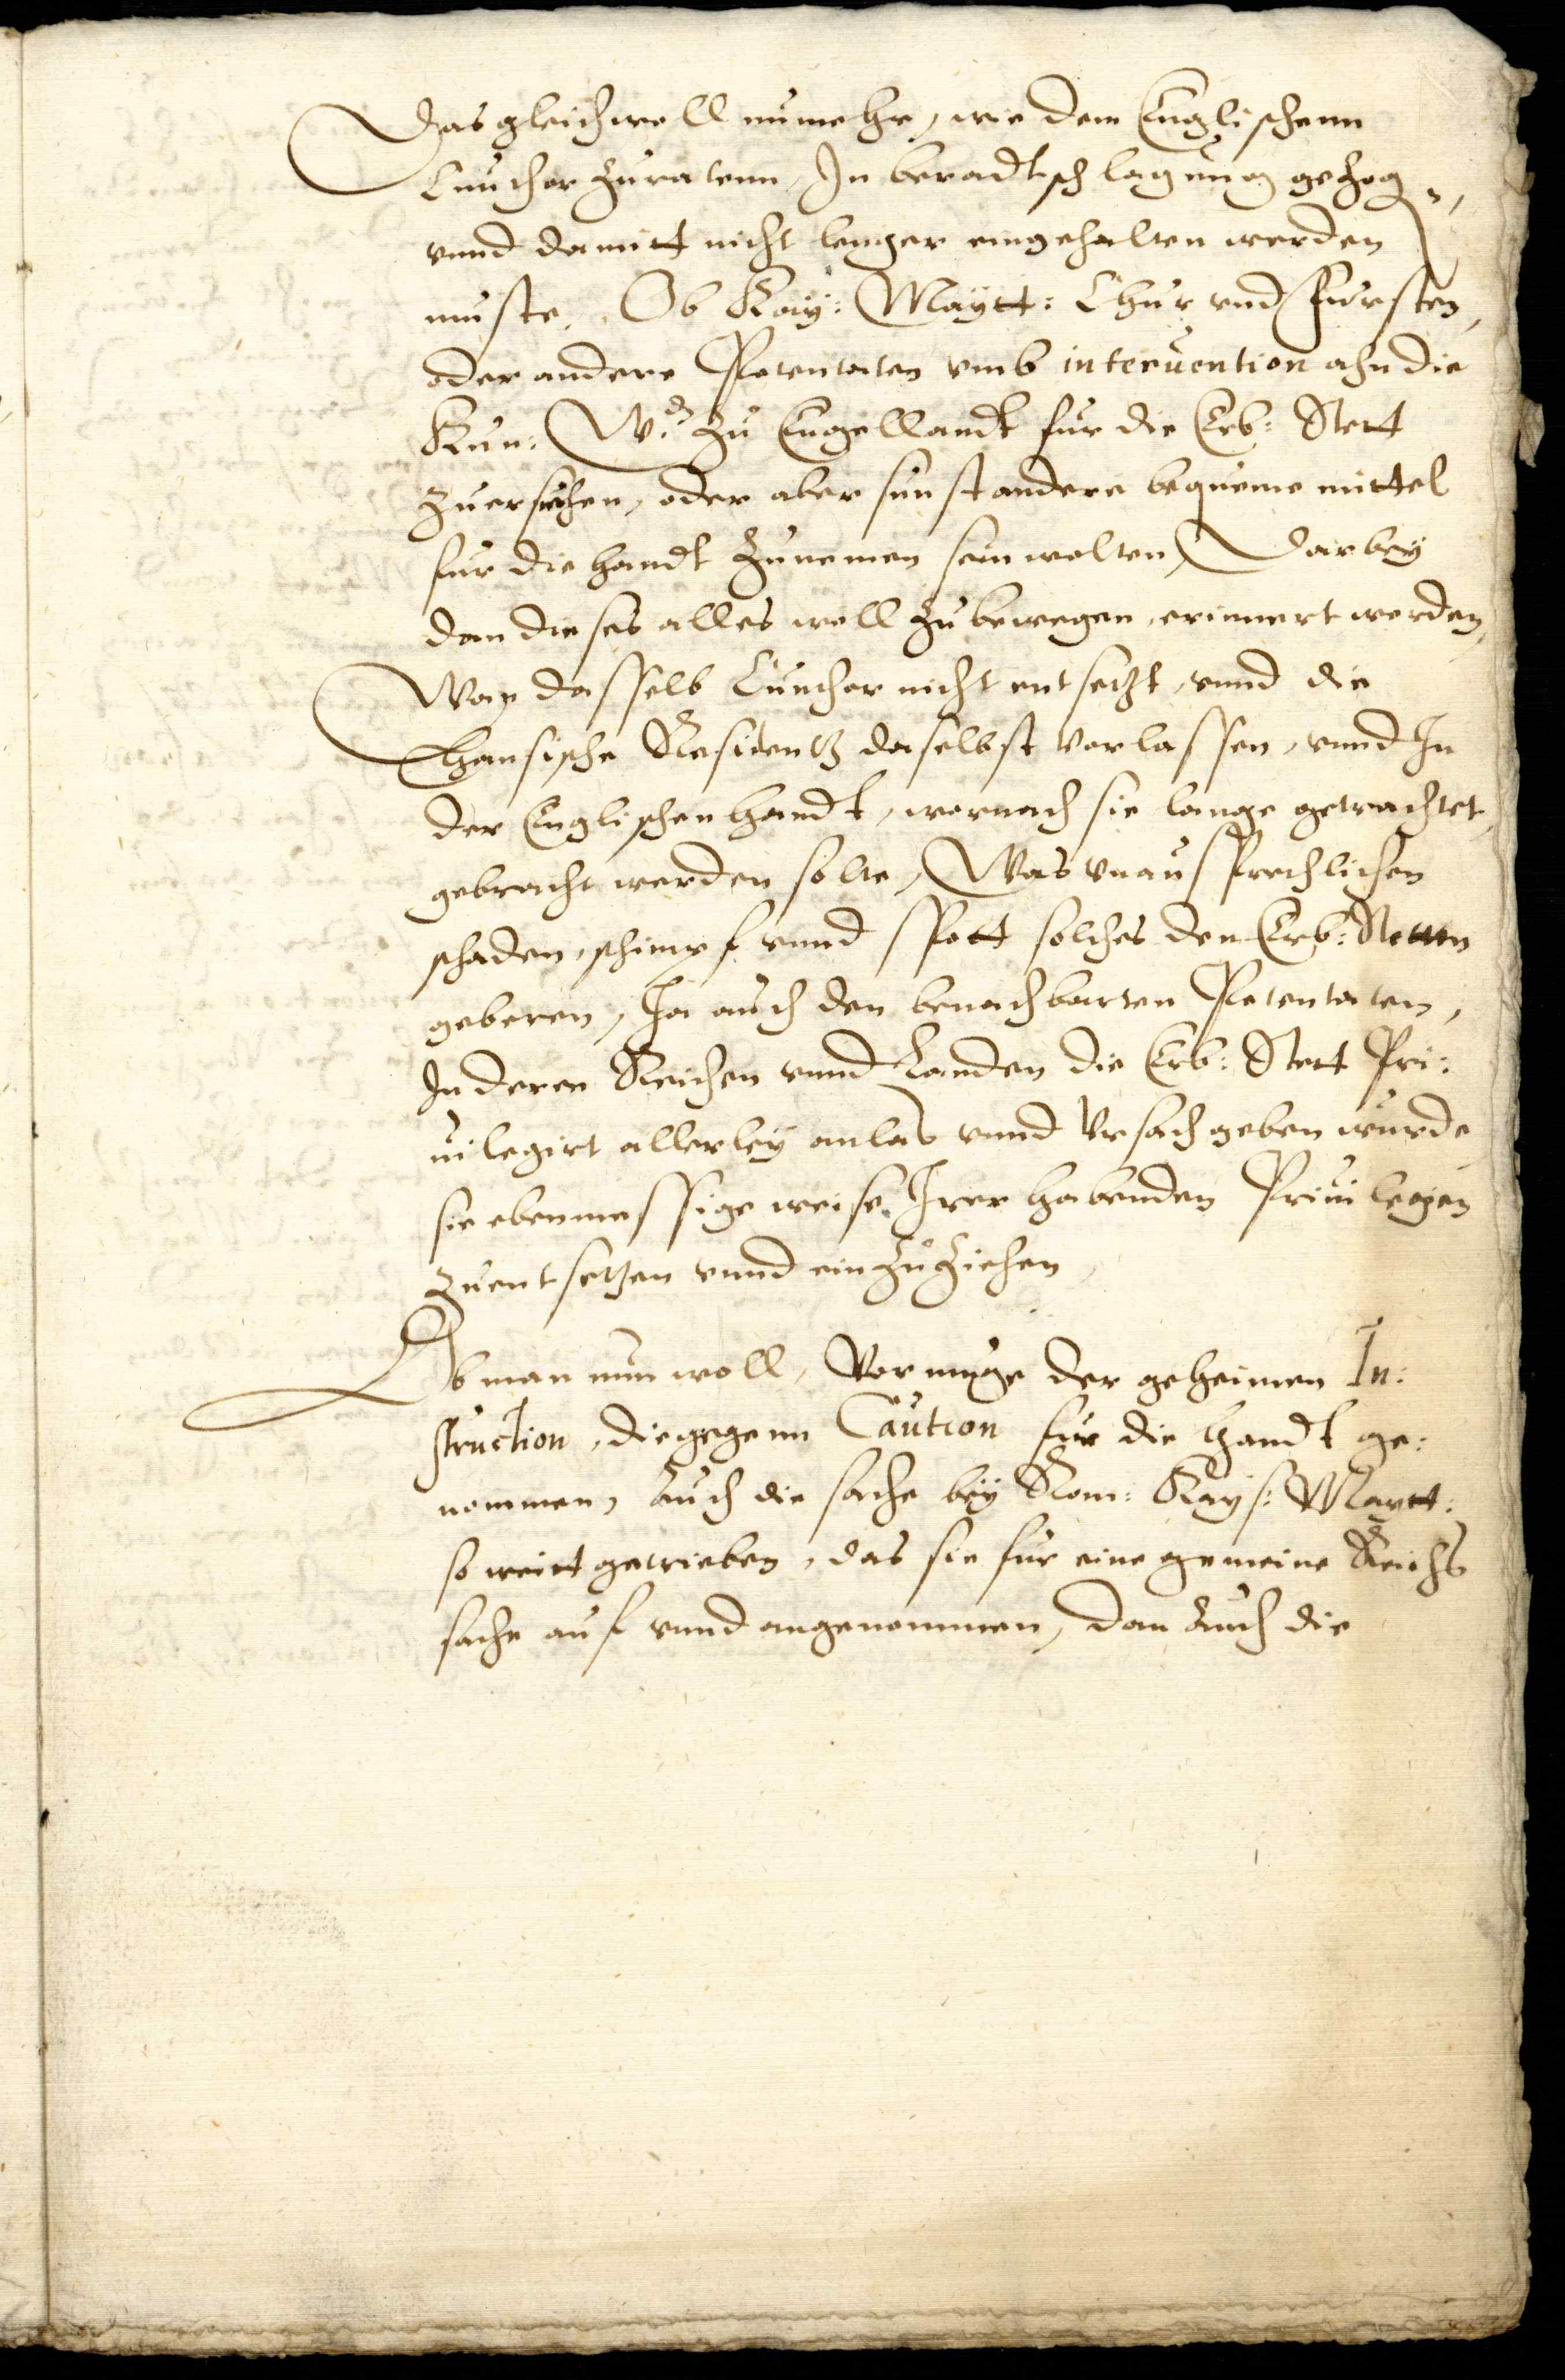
das gleichwoll numehr, wie dem Englischenn
Cunthor zu ratenn, Jn beradtschlagung gezogen,
vnnd damitt nicht lenger eingehalten werden
muste, Ob Kaij: Maijtt: Chur vnd Fursten,
oder andere Potentaten vmb interuention ahn die
Kun: M: zu Engellandt fur die Erb: Stett
zuersuchen, oder aber sunst andern bequeme mittel
fur die handt zunemen sein wolten, Darbeij
dan dieses alles woll zu bewegen erinnert worden,
wan dasselb Cunthor nicht entsetzt, vnnd die
Hansische Residentz daselbst vorlassen, vnnd Jn
der Englischen handt, wornach sie lange getrachtet,
gebracht werden solte, Was vnausprechlichen =
schaden, schimpf vnnd spott solches den Erb: Stetten
geberen, Ja auch den benachbarten Potentaten,
Jn deren Reichen vnnd Landen die Erb: Stett Pri¬
uilegirt allerleij anlas vnnd Vrsach geben wurde
sie ebenmessige weise Jrer habenden Priuilegien
zuentsetzen vnnd einzuziehen,
Ob man nun woll, Vormuge der geheimen In¬
struction, die gegenn Caution fur die handt ge¬
nommen, Auch die sache beij Rom: Kays: Maytt:
so weitt getrieben, das sie fur eine gemeine Reichs
sache auf vnnd angenommen, dan Auch die
